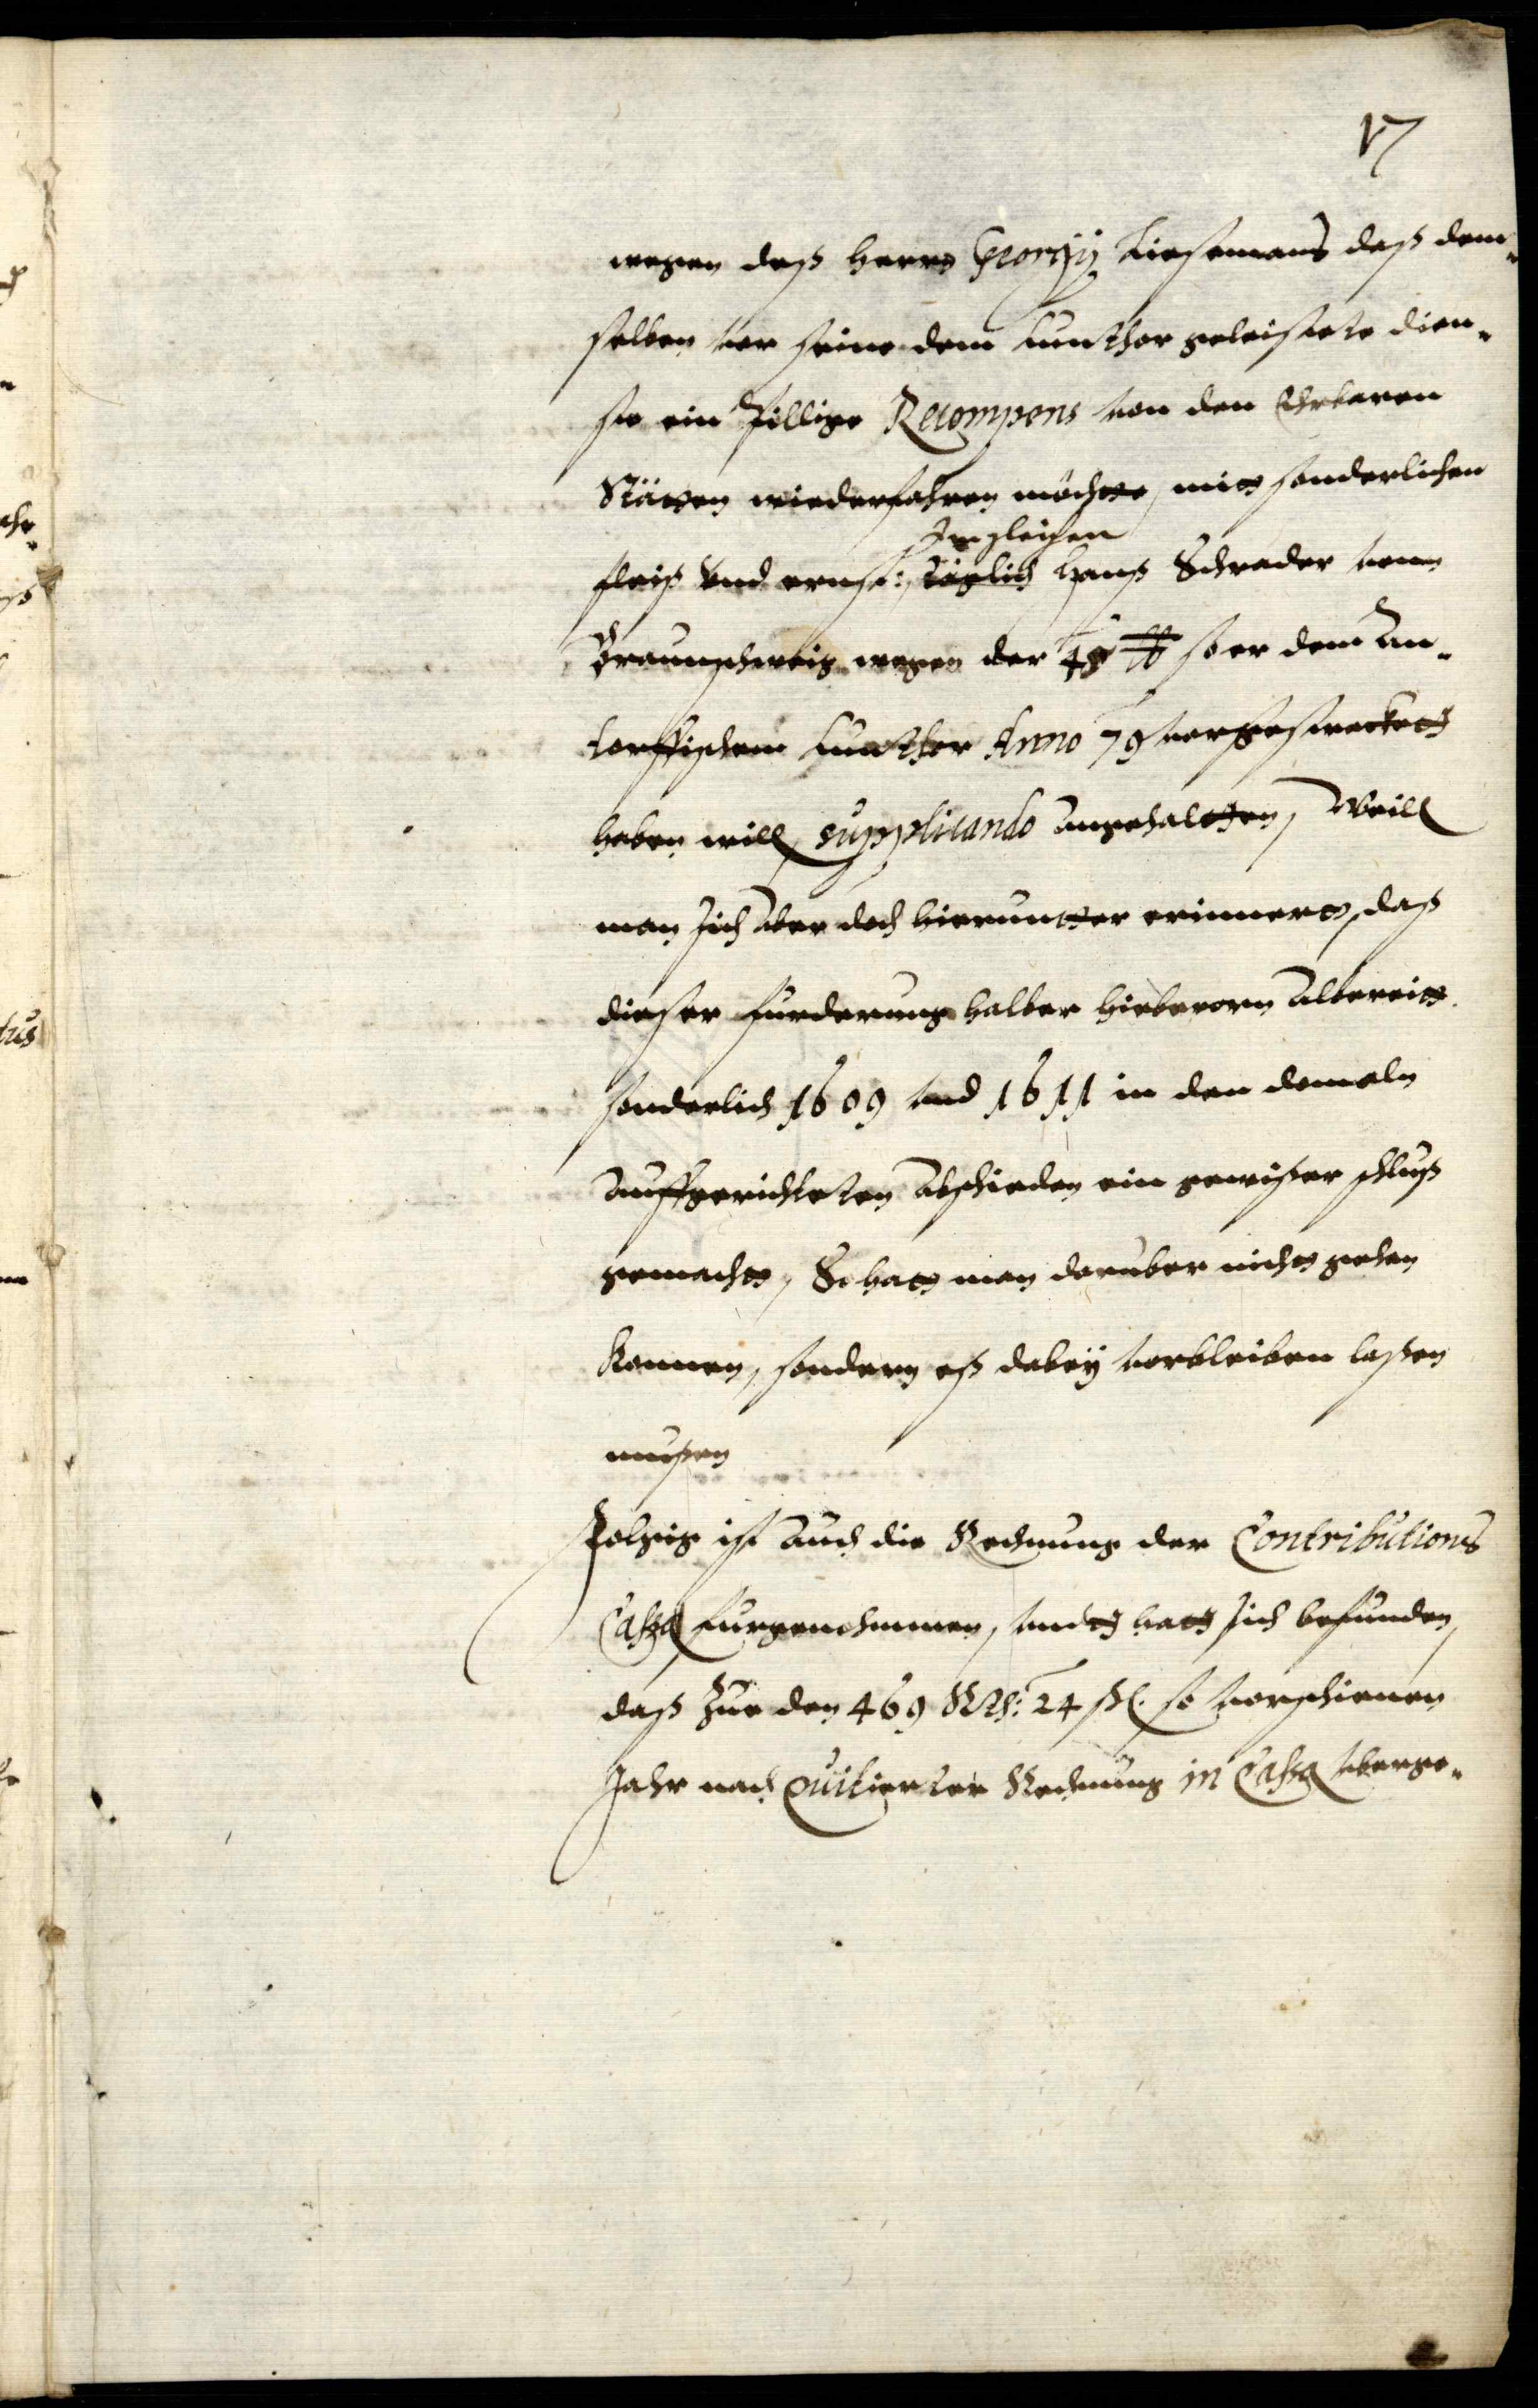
17
wegen deß herrn Georgij Liesemans daß dem¬
selben vor seine dem Cunthor geleistete dien¬
ste ein pillige Recompens von den Ehrbaren
Stätten wiederfahren möchtte, mitt sonderlichen
fleiß vnd ernst:, täglich Imgleichen Hanß Schrader vonn
Braunschweig wegen der 45 lb so er dem An¬
torffischem Cunthor Anno 79 vorgestreckett
haben will, supplicando Angehaltten, Weill
man sich Aber doch hieruntter erinnertt, daß
dieser furderung halber hiebevorn Albereitt
sonderlich 1609 vnd 1611 in den damaln
Auffgerichteten Abschieden ein gewißer schluß
gemachtt, So hatt man daruber nichtt gehen
konnen, sondern eß dabeij verbleiben laßen
mußen
Folgig ist auch die Rechnung der Contributions
Cassa furgenohmmen, vndtt hatt sich befunden,
daß zue den 469 Rth: 24 ßl. so vorschienen
Jahr nach quitierter Rechnung in cassa vberge¬
